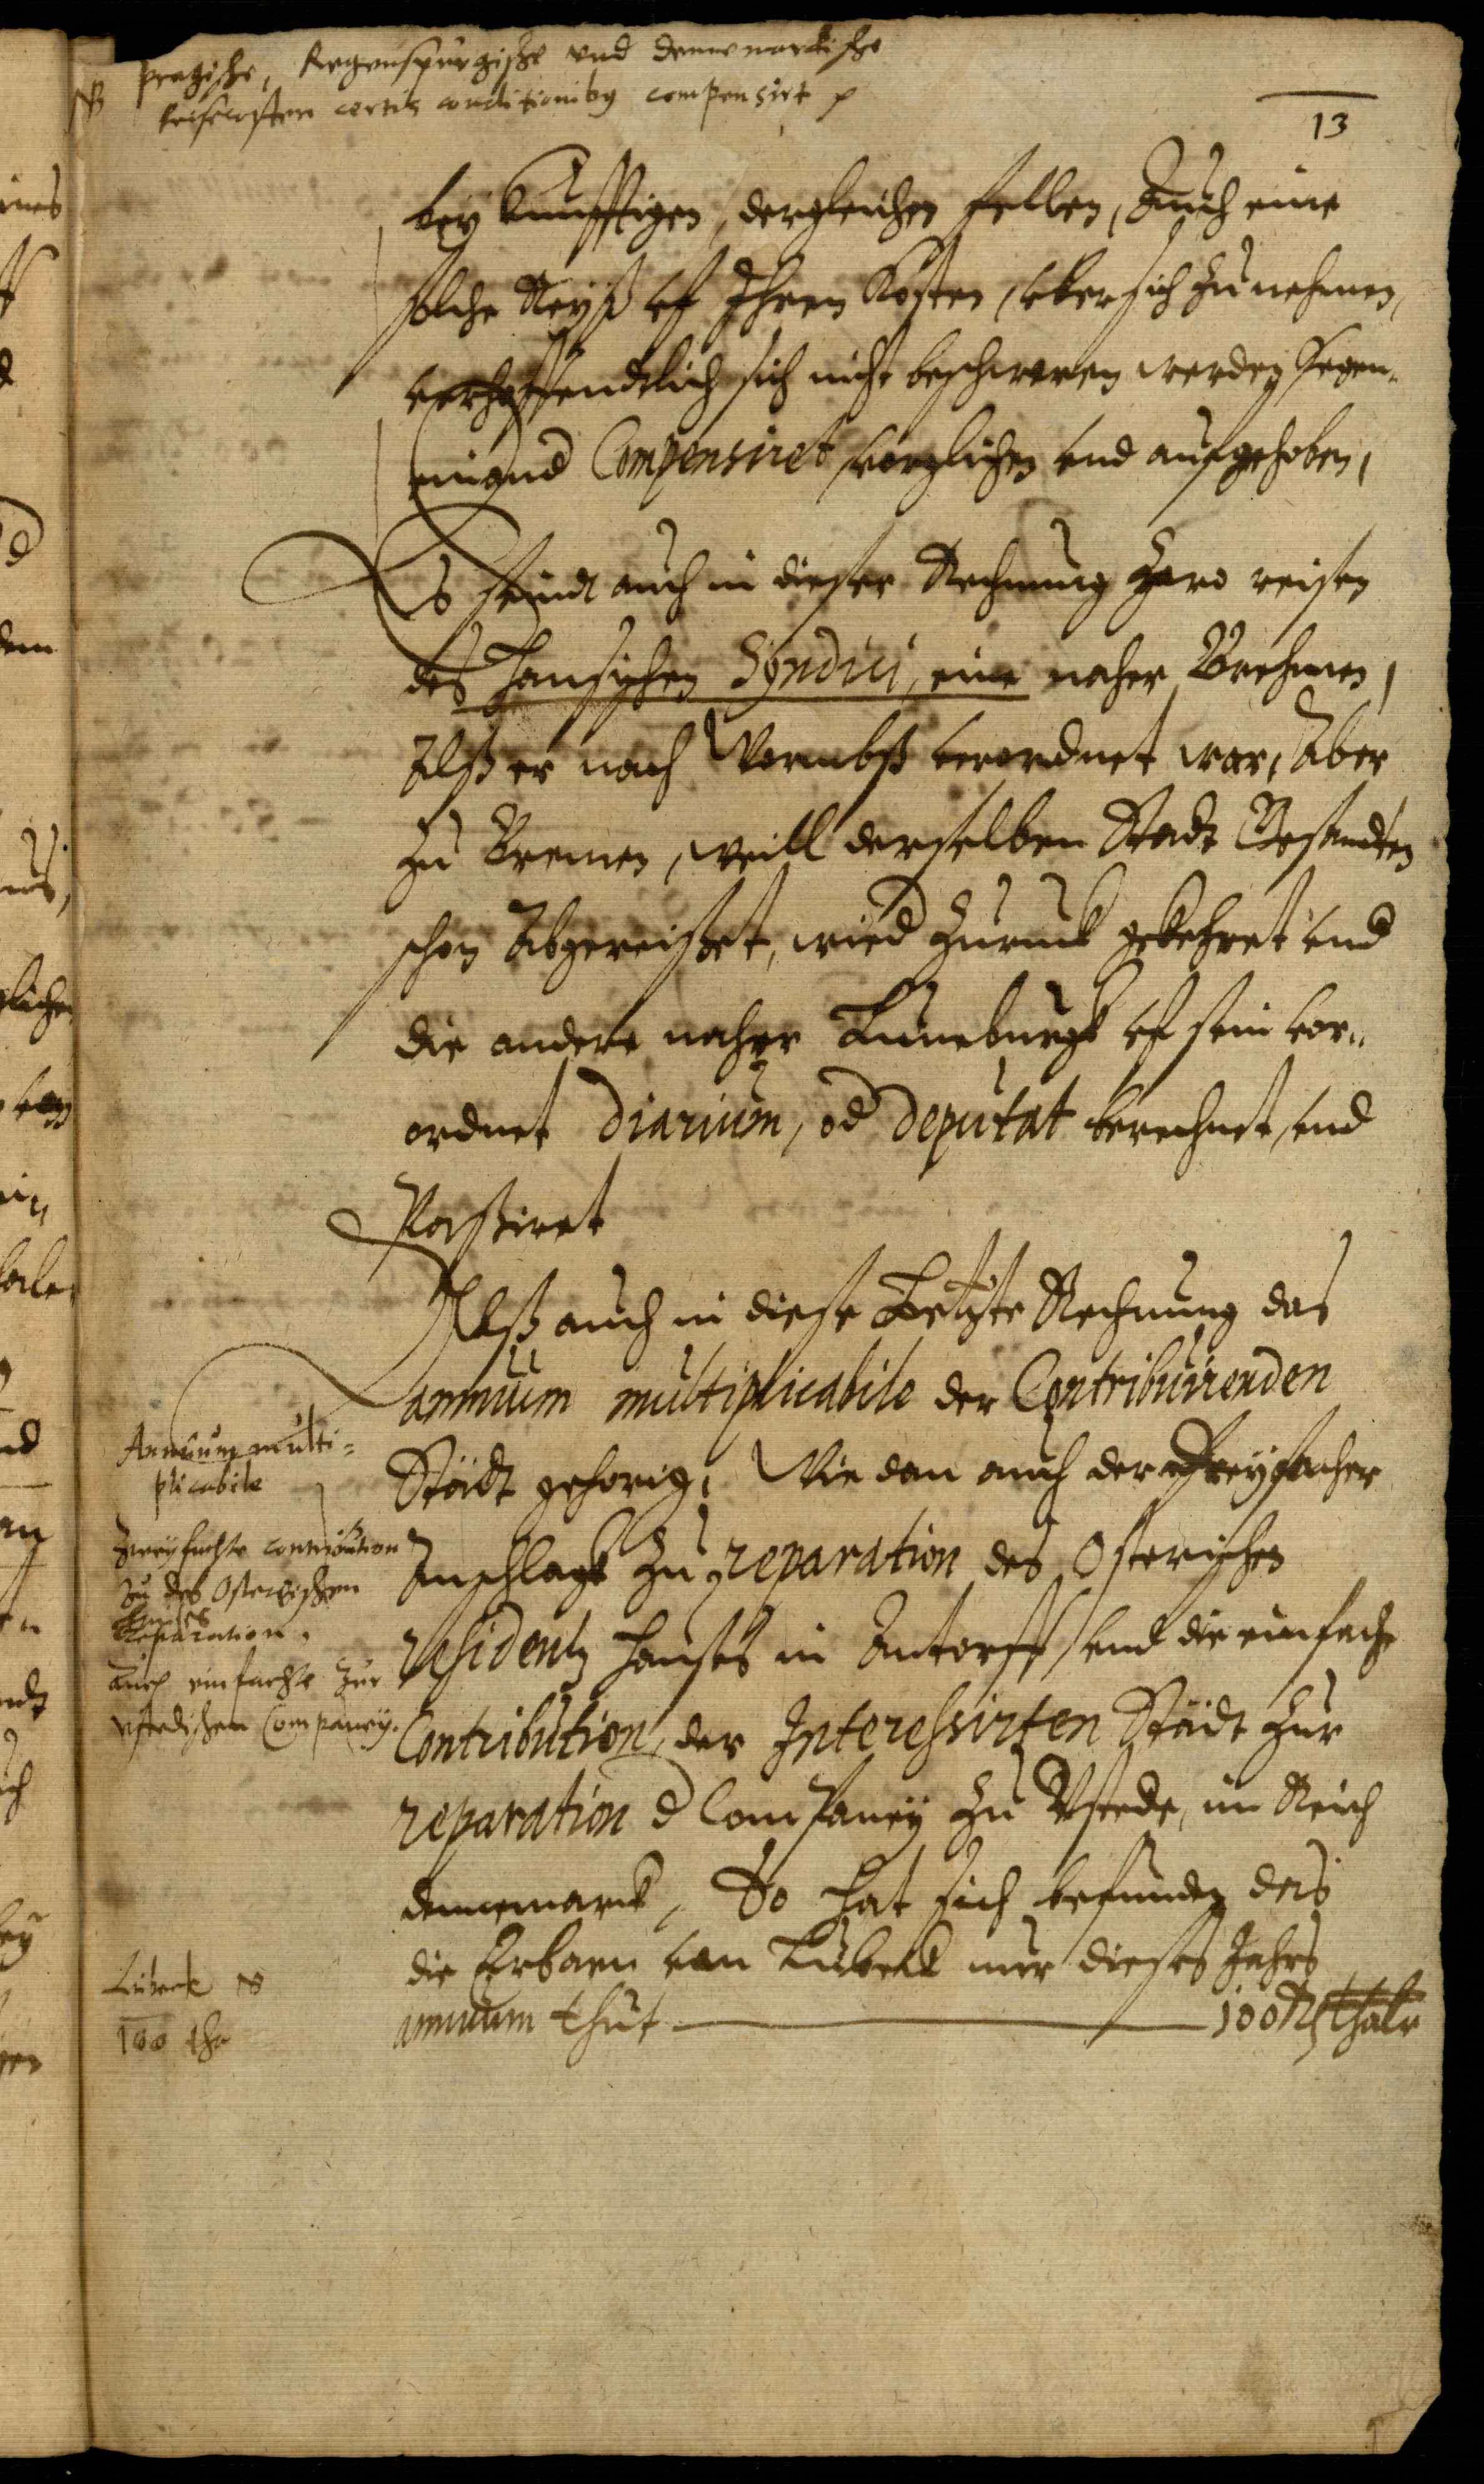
Pragische, Regenspurgische vnd dennemarkische
Reisecosten certis conditionibus compensirt p
13
beij kunfftigen, dergleichen selben, Auch eine
solche Reijß uf Ihren Kosten, vber sich zu nehmen,
verhoffendtlich sich nicht beschweren werden Jegen¬
einander Compensiret vorglichen vnd aufgehoben,
Es seindt auch in dieser Rechnung zwo reisen
des Hansischen Syndici, eine naher Brehmen,
alß er nach Wormbß verordnert war, Aber
zu Bremen, weill derselben Stadt Gesandten
schon abgereißet, wieder zuruck gekehret vnd
die andere naher Luneburgk vf sein vor¬
ordnet diarium, oder deputat berechnet, vnd
paßiret
Annum multi¬
plicabile
Zweij fuchte contribution
zu des Osterischen
hauses
reparation.
Auch ein fachte zur
vtstedischen Companeij
Alß auch in diese Letzte Rechnung das
annuum multiplicabile der Contribuirenden
Städt gehorig, wie dan auch der Dreijfacher
Anschlagk zu reparation des Osterischen
residentz hauses in Antorff vnd die einfache
Contribution der Interessirten Städt zur
reparation der Companeij zu Vstede, im Reich
dennemark, so hat sich befunden,das
die Erbarn von Lubegk nur dieses Jahrs
annuum thut _ 100 Reichsthaler
Lubeck NB
100 tha
